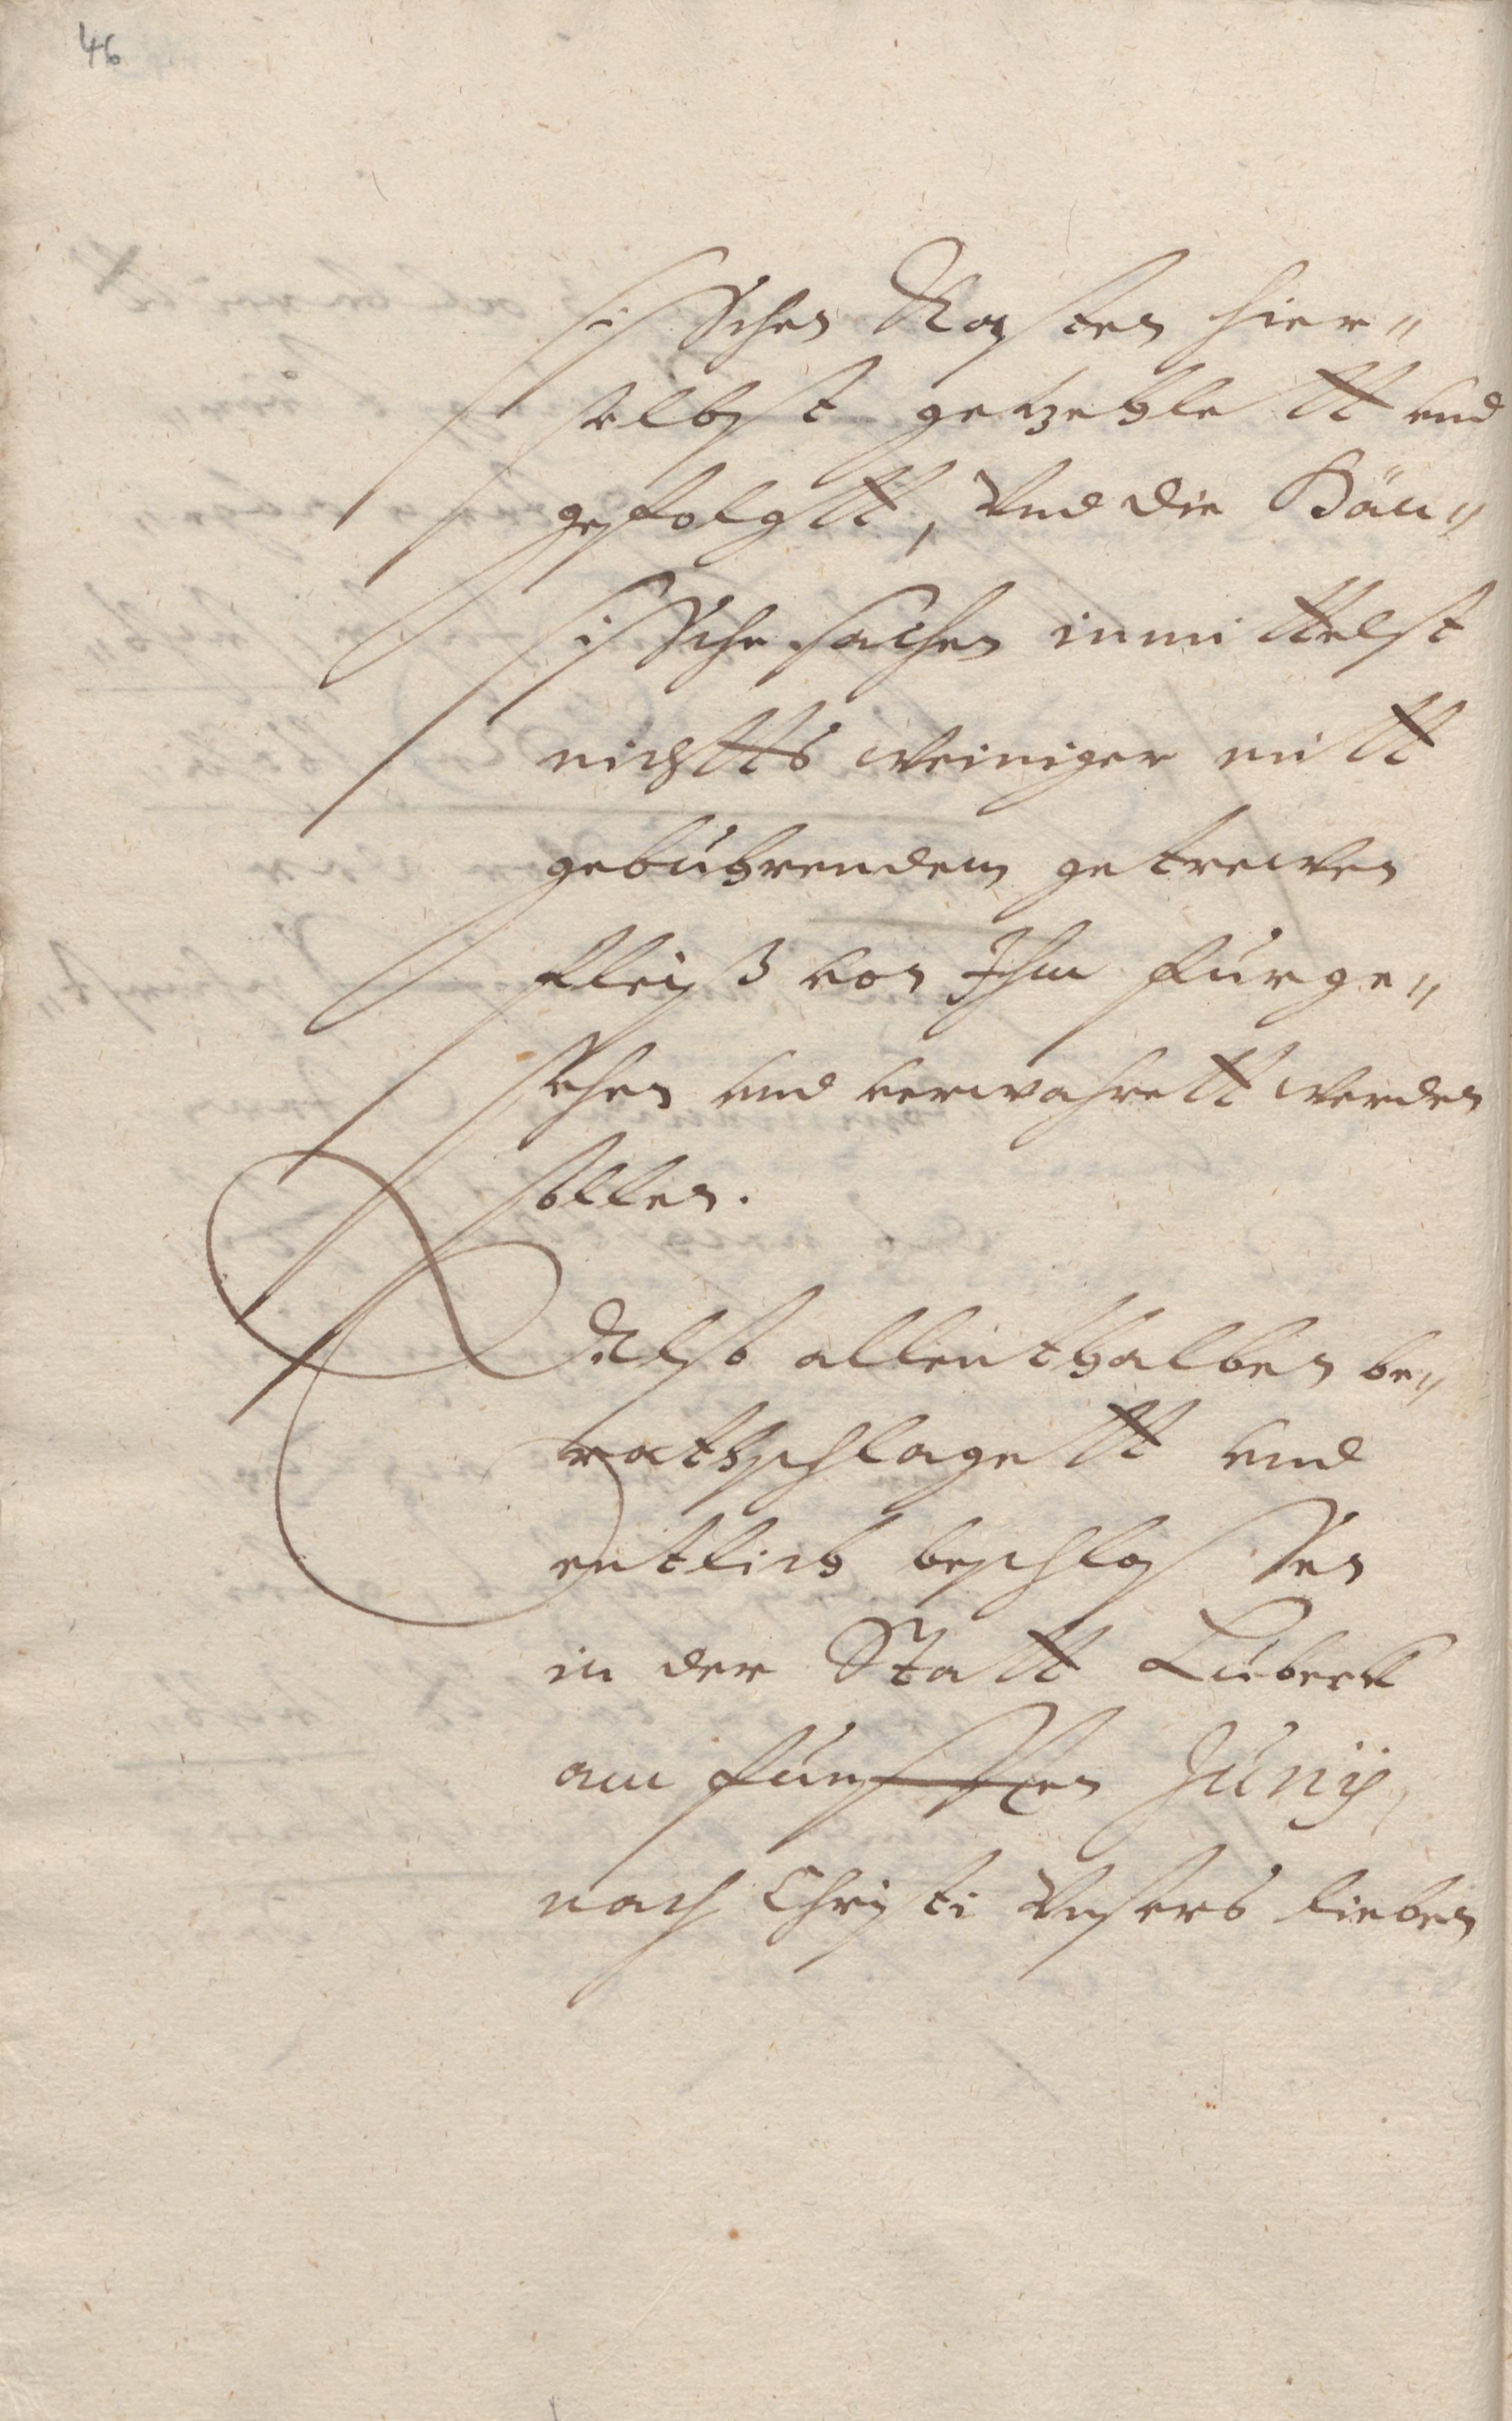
sischen Kasten hier¬
selbst getzehlett vnd
gefolgtt, vnd die Hän¬
sische sachen inmittelst
nichtts weiniger mitt
gebuhrendem getrewen
fleiß von Ihm furge¬
sehen vnd verwahrett werden
sollen.
Also allenthalben be¬
trathschlagett vnd
entlich beschloßen
in der Statt Lubeck
am funfften Junij,
nach Christi Vnsers lieben
